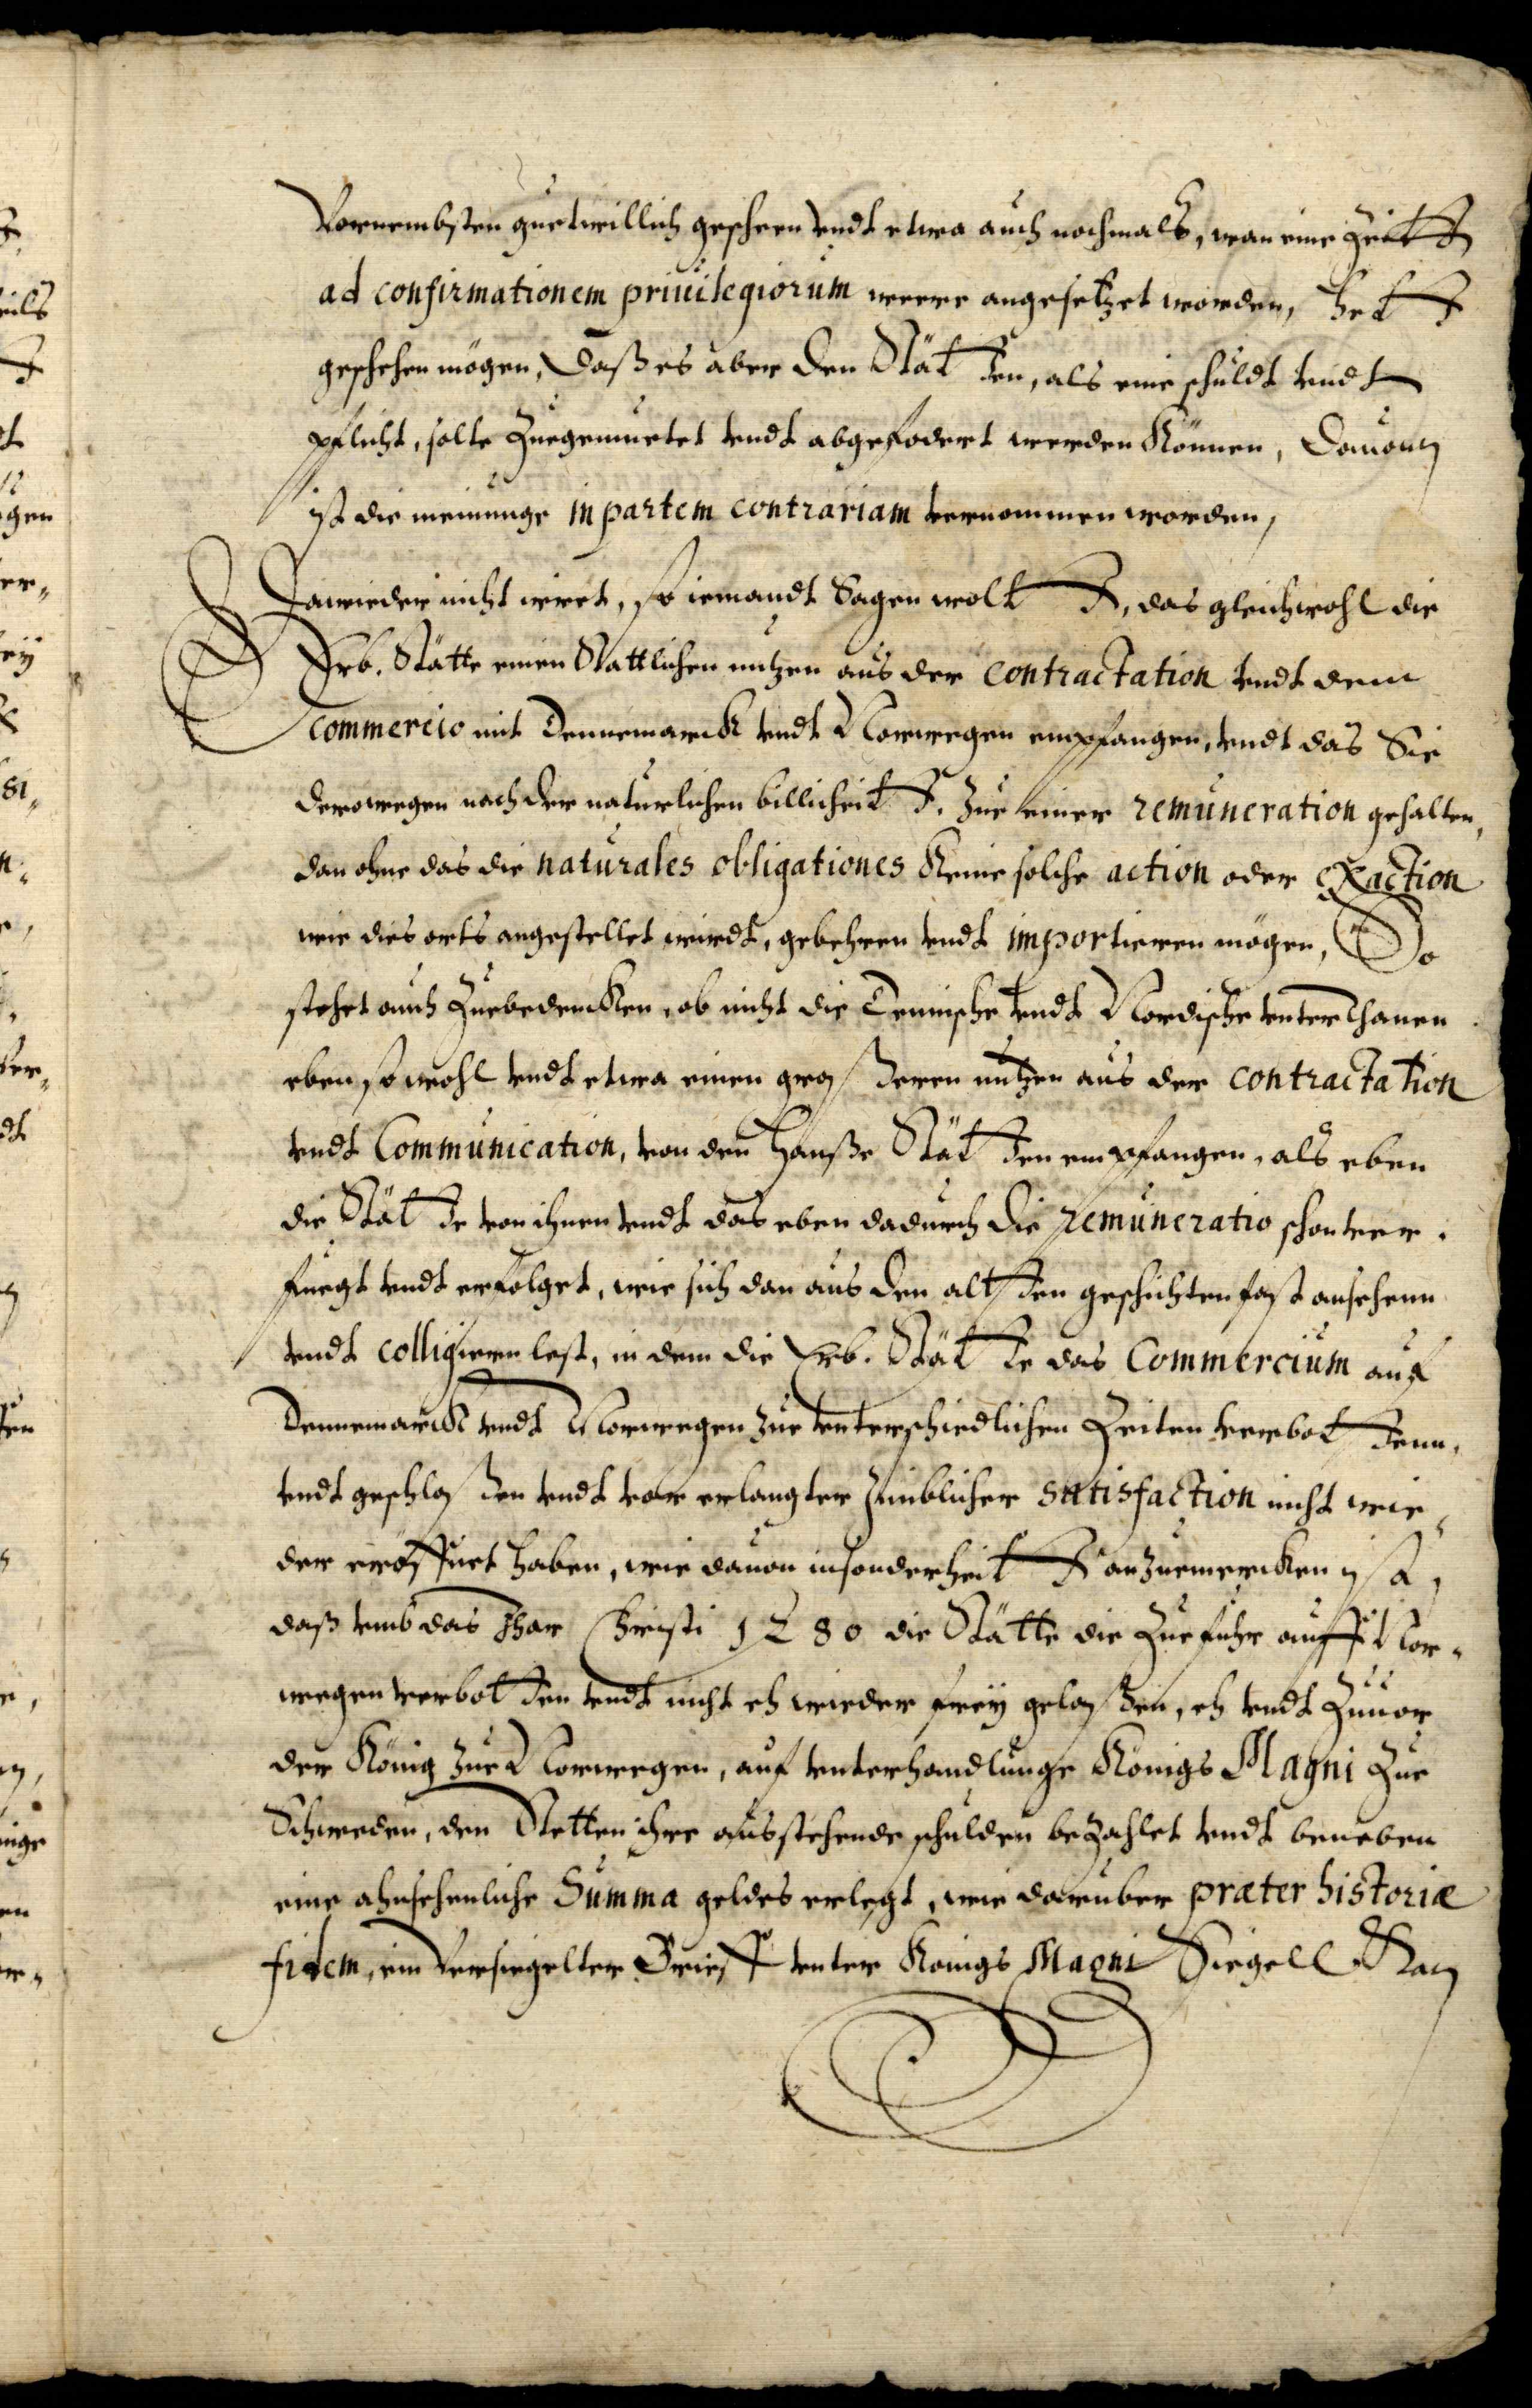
Vornembsten guetwillig gescheen vndt etwa auch nochmals, wan eine Zeitt
ad confirmationem priuilegiorum weere angesetzet worden, Hett
geschehen mögen, daß es aber den Stätten, als eine schuldt vndt
pflicht, solte zuegemuetet vndt abgefodert werden Können, dauonn
ist die meinunge in partem contrariam vernommen worden,
Dawieder nicht wret, so iemandt Sagen woltt, das gleichwohl die
Erb. Stätte einen Stattlichen nutzen aus der contractation vndt dem
commercio mit Dennemarck vndt Norwegen empfangen, vndt das Sie
derowegen nach der naturlichen billicheitt zue einer remuneration gehalten,
dan ohne das die naturales obligationes Keine solche action oder exaction
wie dies orts angestellet wirdt, gebehren vndt importieren mögen, So
stehet auch zuebedencken, ob nicht die Dennische vndt Nordische vnterthanen
eben so wohl vndt etwa einen großeren nutzen aus der contractation
vndt Communication, von den Hanße Stätten empfangen, als eben
die Stätte von ihnen vndt das eben dadurch die remuneratio schon ver¬
fuegt vndt erfolget, wie sich dan aus den altten geschichten fast ansehenn
vndt colligiern lest, in dem die Erb. Stätte das Commercium auf
Dennemarck vndt Norwegen zue vnterschiedlichen Zeiten verbottenn,
vndt geschloßen vndt vor erlangter zimblicher satisfaction nicht wie¬
der eröffnet haben, wie dauon insonderheitt anzuemercken ist,
daß vmb das Jhar Christi 1280 die Stätte die zuefuhr auff Nor¬
wegen verbotten vndt nicht eh wieder freij gelaßen, eh vndt zuuor
der König zue Norwegen, auf vnterhandlunge Königs Magni zue
Schweden, den Stetten ihre ausstehende schulden bezahlet vndt beneben
eine ahnsehenliche Summa geldes erlegt, wie daruber praeter historiae
fidem, ein Versiegelter Brieff vnter Konigs Magni Siegell Kan
